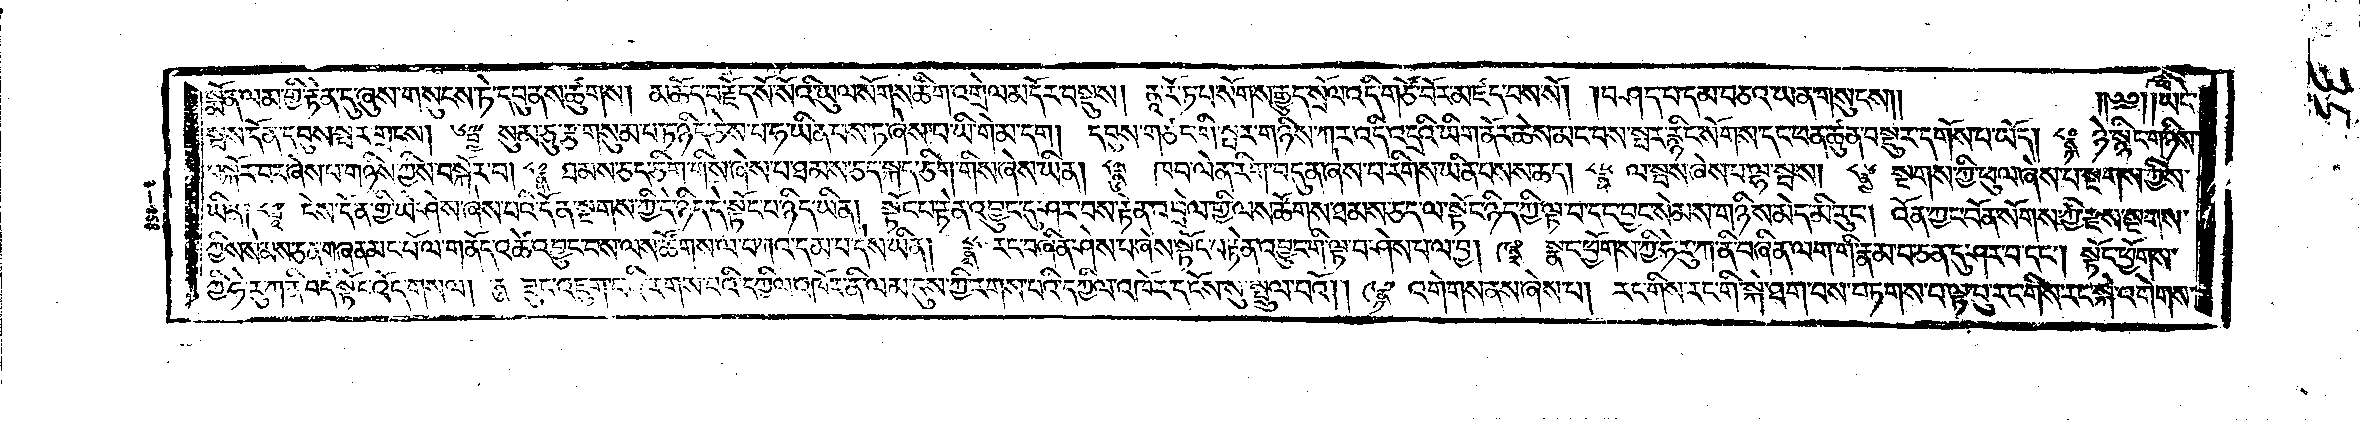སྨོན་ལམ་གྱི་རྟེན་དུ་ཞུས་གསུངས་ཏེ་དབུ་ནས་ཚུགས། མཆོད་བརྗོད་སོ་སོའི་ཡུལ་སོགས་ཆིག་འགྲེལ་མདོར་བསྡུས། ནཱ་རོ་ཏ་པ་སོགས་རྒྱུད་སྲོལ་འདི་གཙོ་བོར་མཛད་པས་སོ། །བཤད་པ་དམ་བཅའ་ཡན་གསུངས།། །། ༄༅། །ཡང་
སྦས་དོན་དབུས་སྤར་གྲངས། ༦བ༧༤་སུམ་ཅུ་རྩ་གསུམ་པ་ཏ་ཉིད་ཅེས་པ་ཧ་ཡིན་པས་ཏ་ཞེས་པ་ཡི་གེ་མ་དག། དབུས་གཙང་གི་སྤར་གཉིས་ཀ་ར་འདི་འདྲའི་ཡིག་ནོར་ཆེས་མང་བས་སྤར་རྙིང་སོགས་དང་ཕན་ཚུན་བསྡུར་དགོས་པ་ཡོད། ༨༤༡་ཉེ་སྙིང་གཉིས་
བསྐོར་བར་ཞེས་པ་གཉིས་ཀྱིས་བསྐོར་བ། ༨༡ན༡༢་ཐམས་ཅད་ཅིག་གིས་ཞེས་པ་ཐམས་ཅད་སྐད་ཅིག་གིས་ཞེས་ཡིན། ༨༢ན༦་ཁབ་ལེན་རིག་བདུན་ཞེས་པ་རིགས་ཡིན་པས་ས་ཆད། ༨༥ན༥་ལ་སྦས་ཞེས་པ་ལྷ་སྦས། ༨༥ན༤་སྔགས་ཀྱི་ཕུལ་ཞེས་པ་སྔགས་ཀྱིས་
ཡིན༑ ༨༧པ༢་ངེས་དོན་གྱི་ཡེ་ཤེས་ཞེས་པའི་དོན་སྔགས་ཀྱི་དེ་ཉིད་དེ་སྟོང་པ་ཉིད་ཡིན། སྟོང་བརྟེན་འབྱུང་དུ་ཤར་བས་རྟེན་འབྲེལ་གྱི་ལས་ཚོགས་ཐམས་ཅད་ལ་སྟོང་ཉིད་ཀྱི་ལྟ་བ་དང་བྱང་སེམས་གཉིས་མེད་མི་རུང་། འོན་ཀྱང་བོན་སོགས་ཀྱི་རྫས་སྔགས་
ཀྱིས་སེམས་ཅན་གཞན་མང་པོ་ལ་གནོད་འཚེ་འབྱུང་བས་ལས་ཚོགས་ལ་བཀའ་དམ་པ་དེས་ཡིན། ༨༨ན༢་རང་བཞིན་ཤེས་པ་ཞེས་སྟོང་པ་བརྟེན་འབྱུང་གི་ལྟ་བ་ཤེས་པ་ལ་བྱ། ༩༠ནར་སྣང་ཕྱོགས་ཀྱི་ཧེ་རུ་ཀ་ནི་བཞིན་ལག་གི་རྣམ་པ་ཅན་དུ་ཤར་བ་དང་། སྟོང་ཕྱོགས་
ཀྱི་ཧེ་རུ་ཀ་ནི་བདེ་སྟོང་འོད་གསལ། ན༦་ཟུང་འཇུག་བའི་རིགས་པའི་དཀྱིལ་འཁོར་ནི་ལམ་དུས་ཀྱི་རགས་པའི་དཀྱིལ་འཁོར་དངོས་སུ་སྤྲུལ་པའོ། །༩༡བ༡་འགེགས་ནས་ཞེས་པ། རང་གིས་རང་གི་སྐེ་ཐག་བས་བཏགས་པ་ལྟ་བུ་རང་གིས་རང་སྐེ་འགེགས་